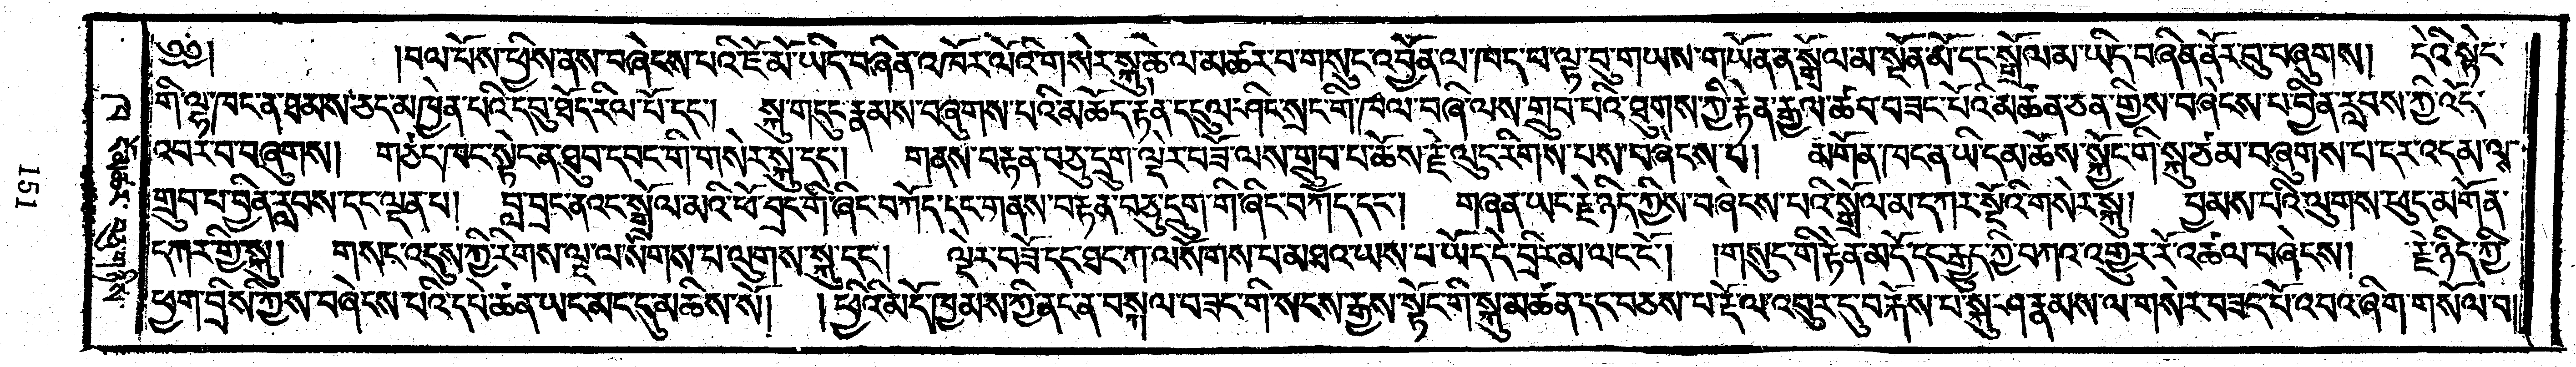༄༅། །བལ་པོས་ཕྱིས་ནས་བཞེངས་པའི་ཇོ་མོ་ཡིད་བཞིན་འཁོར་ལོའི་གསེར་སྐུ་ཆེ་ལ་མཚར་བ་གསུང་འབྱོན་ལ་ཁད་པ་ལྟ་བུ་གཡས་གཡོན་ན་སྒྲོལ་མ་སྔོན་མོ་དང་སྒྲོལ་མ་ཡིད་བཞིན་ནོར་བུ་བཞུགས། དེའི་སྟེང་
གི་ལྷ་ཁང་ན་ཐམས་ཅད་མཁྱེན་པའི་དབུ་ཐོད་རིལ་པོ་དང་། སྐུ་གདུང་རྣམས་བཞུགས་པའི་མཆོད་རྟེན་དངུལ་ཤིང་སྲང་གི་ཁལ་བཞི་ལས་གྲུབ་པའི་ཐུགས་ཀྱི་རྟེན་རྒྱལ་ཚབ་བཟང་པོའི་མཚན་ཅན་གྱིས་བཞེངས་པ་བྱིན་རླབས་ཀྱི་འོད་
འབར་བ་བཞུགས། གཙང་ཁང་སྟེང་ན་ཐུབ་དབང་གི་གསེར་སྐུ་དང་། གནས་བརྟན་བཅུ་དྲུག་ལྡེར་བཟོ་ལས་གྲུབ་པ་ཆོས་རྗེ་ལུང་རིགས་པས་བཞེངས་པ། མགོན་ཁང་ན་ཡི་དམ་ཆོས་སྐྱོང་གི་སྐུ་ཙམ་བཞུགས་པ་དར་འདམ་ལས་
གྲུབ་པ་བྱིན་རླབས་དང་ལྡན་པ། བླ་བྲང་ནའང་སྒྲོལ་མའི་ཕོ་བྲང་གི་ཞིང་བཀོད་དང་གནས་བརྟན་བཅུ་དྲུག་གི་ཞིང་བཀོད་དང་། གཞན་ཡང་རྗེ་ཉིད་ཀྱིས་བཞེངས་པའི་སྒྲོལ་མ་དཀར་སྔོའི་གསེར་སྐུ། བྱམས་པའི་ལུགས་ཕུང་མགོན་
དཀར་གྱི་སྐུ། གསང་འདུས་ཀྱི་རིགས་ལྔ་ལ་སོགས་པ་ལུགས་སྐུ་དང་། ལྡེར་བཟོ་དང་ཐང་ཀ་ལ་སོགས་པ་མཐའ་ཡས་པ་ཡོད་དེ་བྲིར་མ་ལང་ངོ། །གསུང་གི་རྟེན་མདོ་དང་རྒྱུད་ཀྱི་བཀའ་འགྱུར་རོ་འཚལ་བཞེངས། རྗེ་ཉིད་ཀྱི་
ཕྱག་བྲིས་ཀྱིས་བཞེངས་པའི་དཔེ་ཚན་ཡང་མང་དུ་མཆིས་སོ། །ཕྱིའི་མདོ་ཁྱམས་ཀྱི་ནང་ན་བསྐལ་བཟང་གི་སང་རྒྱས་སྟོང་གི་སྐུ་མཚན་དང་བཅས་པ་རྡོ་ལ་འབུར་དུ་བརྐོས་པ་སྐུ་ཤ་རྣམས་ལ་གསེར་བཟད་པོ་འབའ་ཞིག་གསོལ་བ།